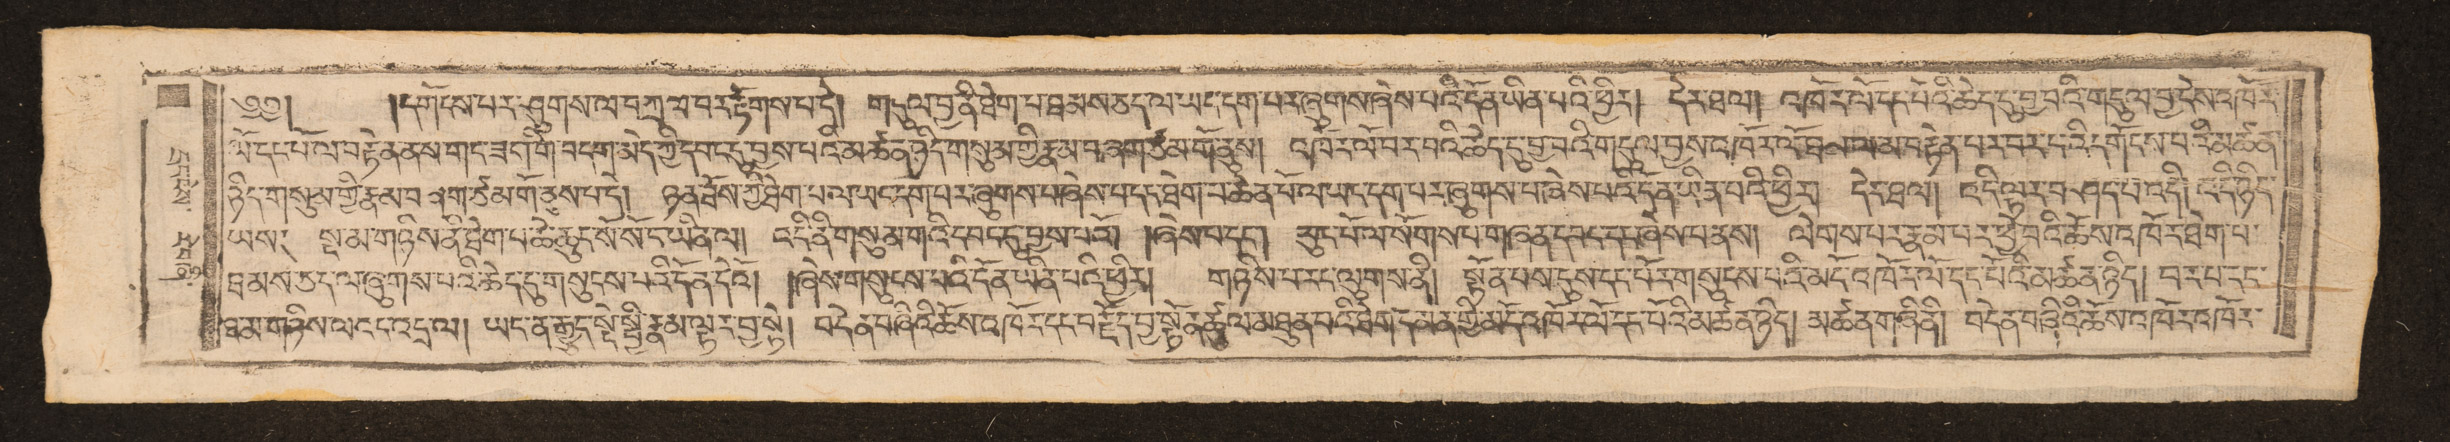༄༅། །དགོངས་པར་ཤུགས་ལ་བཀྲལ་བར་རྟོགས་པ་དེ། གདུལ་བྱ་ནི་ཐེག་པ་ཐམས་ཅད་ལ་ཡང་དག་པར་ཞུགས་ཞེས་པའི་དོན་ཡིན་པའི་ཕྱིར། དེར་ཐལ། འཁོར་ལོ་དང་པོའི་ཆེད་དུ་བྱ་བའི་གདུལ་བྱ་དེས་འཁོར་
ལོ་དང་པོ་ལ་བརྟེན་ནས་གང་ཟག་གི་བདག་མེད་ཀྱི་དབང་དུ་བྱས་པའི་མཚན་ཉིད་གསུམ་གྱི་རྣམ་བཞག་ཙམ་གོ་ནུས། འཁོར་ལོ་བར་པའི་ཆེད་དུ་བྱ་བའི་གདུལ་བྱས་འཁོར་ལོ་ཐ་མ་ལམ་བརྟེན་པར་བར་པའི་དགོངས་པའི་མཚན་
ཉིད་གསུམ་གྱི་རྣམ་བཞག་ཙམ་གོ་ནུས་པ་དེ། ཉན་ཐོས་ཀྱི་ཐེག་པ་ལ་ཡང་དག་པར་ཞུགས་པ་ཞེས་པ་དང་ཐེག་པ་ཆེན་པོ་ལ་ཡང་དག་པར་ཞུགས་པ་ཞེས་པའི་དོན་ཡིན་པའི་ཕྱིར། དེར་ཐལ། འདི་ལྟར་བཤད་པ་འདི། འདི་ཉིད་
ཡས༑ སྔ་མ་གཉིས་ནི་ཐེག་པ་ཆེ་ཆུང་སོ་སོ་བ་ཡིན་ལ། འདི་ནི་གསུམ་གའི་དབང་དུ་བྱས་པའོ། །ཞེས་པ་དང་། ལུང་པོ་ལ་སོགས་པ་གཞན་དབང་དང་ཞེས་པ་ནས། ལེགས་པར་རྣམ་པར་ཕྱེ་བའི་ཆོས་འཁོར་ཐེག་པ་
ཐམས་ཅད་ལ་ཞུགས་པའི་ཆེད་དུ་གསུངས་པའི་དོན་དེའོ། །ཞེས་གསུངས་པའི་དོན་ཡིན་པའི་ཕྱིར། གཉིས་པ་རང་ལུགས་ནི། སྟོན་པས་དུས་དང་པོར་གསུངས་པའི་མདོ་འཁོར་ལོ་དང་པོའི་མཚན་ཉིད། བར་པ་དང་
ཐ་མ་གཉིས་ལའང་འདུལ། ཡང་ན་རྒྱུད་སྡེ་སྤྱི་རྣམ་ལྟར་བྱ་སྟེ། བདེན་བཞིའི་ཆོས་འཁོར་དང་བརྗོད་བྱ་སྟོན་ཚུལ་མཐུན་པའི་ཐེག་དམན་གྱི་མདོ་འཁོར་ལོ་དང་པོའི་མཚན་ཉིད། མཚན་གཞི་ནི། བདེན་བཞིའི་ཆོས་འཁོར་འཁོར་